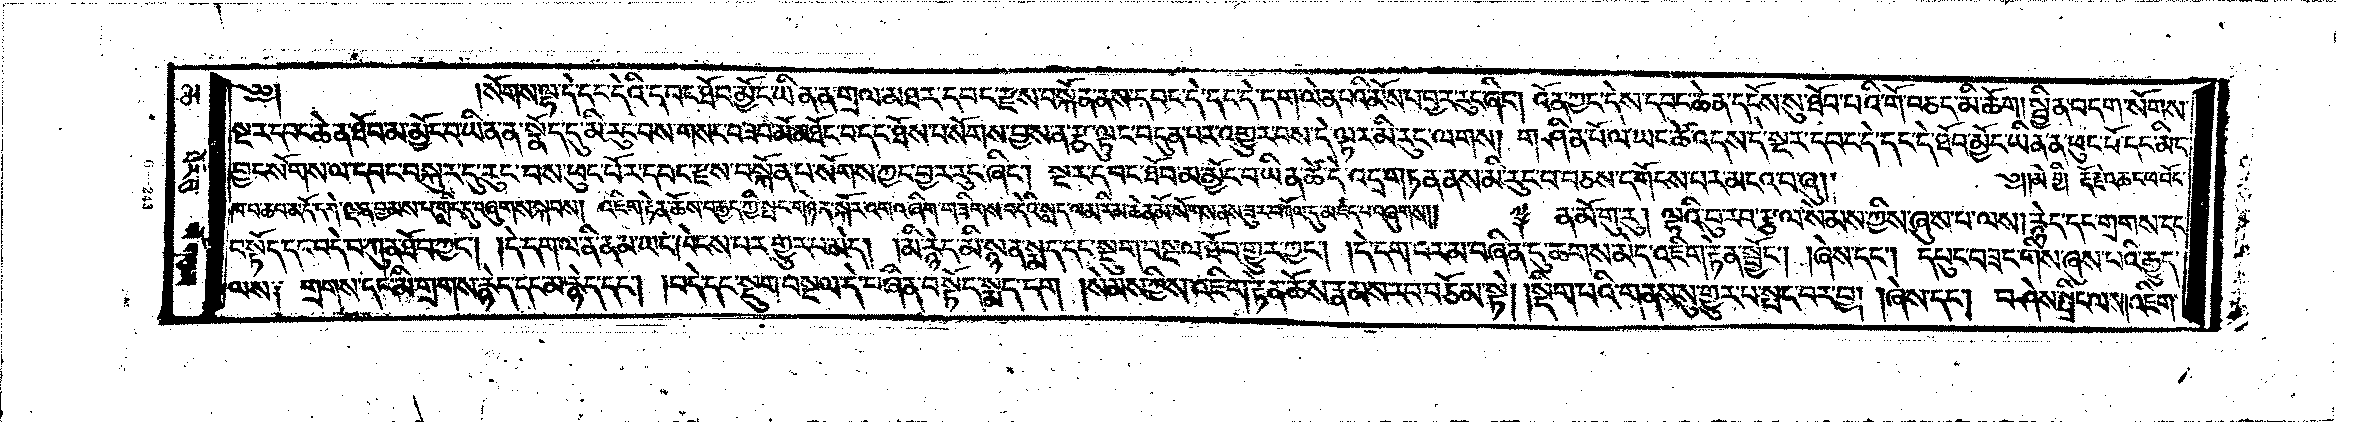༄༅། །སོགས་ལྷ་དེ་དང་དེའི་དབང་ཐོབ་མྱོང་ཡིན་ན་གྲལ་མཐར་དབང་རྫས་པ་སྐོན་ནས་དབང་དེ་དང་དེ་དག་ལེན་པའི་མོས་པ་བྱར་རུང་ཞིང་། འོན་ཀྱང་དེས་དབང་ཆེན་དངོས་སུ་ཐོབ་པའི་གོ་བཅད་མི་ཆོག། སྦྱིན་བདག་སོགས་
སྔར་དབང་ཆེན་ཐོབ་མ་མྱོང་བ་ཡིན་ན་སྣོད་དུ་མི་རུང་བས་གསང་བཟབ་མ་མཐོང་བ་དང་ཐོས་པ་སོགས་བྱས་ན་རྩ་ལྟུང་བདུན་པར་འགྱུར་བས་དེ་ལྟར་མི་རུང་ལགས། གཤིན་པོ་ལ་ཡང་ཚེ་འདས་དེ་སྔར་དབང་དེ་དང་དེ་ཐོབ་མྱོང་ཡིན་ན་ཕུང་པོ་དང་མིང་
བྱང་སོགས་ལ་དབང་བསྐུར་དུ་རུང་བས་ཕུང་པོར་དབང་རྫས་བསྐོན་པ་སོགས་ཀྱང་བྱར་རུང་ཞིང་། སྔར་དབང་ཐོབ་མ་མྱོང་བ་ཡིན་ཚེ་དེ་འདྲ་གཏན་ནས་མི་རུང་བ་བཅས་དགོངས་པར་མངའ་བ་ཞུ།། ༄༅།།མེ་བྱི། རྡོ་རྗེ་འཆང་ཕ་བོང་
ཁ་བ་ཆབ་མདོ་དགེ་ལྡན་བྱམས་པ་གླིང་དུ་བཞུགས་སྐབས། འཇིག་རྟེན་ཆོས་བརྒྱད་ཀྱི་སྤང་གཉེར་སྐོར་འགའ་ཞིག་གཟིགས་བདེའི་སླད་ལམ་རིམ་ཆེན་མོ་སོགས་ནས་ཟུར་བཀོར་དུ་མཛད་པ་བཞུགས།། ༈ ན་མོ་གུ་རུ། ལྷའི་བུ་རབ་རྩལ་སེམས་ཀྱིས་ཞུས་པ་ལས། རྙེད་དང་གྲགས་དང་
བསྟོད་དང་བདེ་བ་ཀུན་ཐོབ་ཀྱང་། །དེ་དག་ལ་ནི་ནམ་ཡང་ཁེངས་པར་གྱུར་པ་མེད། །མི་རྙེད་མི་སྙན་སྨད་དང་སྡུག་བསྔལ་ཐོབ་གྱུར་ཀྱང་། །དེ་དག་པར་མ་བཞིན་དུ་ཆགས་མེད་འཇིགས་རྟེན་སྦྱོང་། །ཞེས་དང་། དཔུང་བཟང་གིས་ཞུས་པའི་རྒྱུད་
ལས༑ གྲགས་དང་མི་གྲགས་རྙེད་དང་མ་རྙེད་དང་། །བདེ་དང་སྡུག་བསྔལ་དེ་བཞིན་བསྟོད་སྨད་དག །སེམས་ཀྱིས་འཇིག་རྟེན་ཆོས་རྣམས་རབ་བཅོམ་སྟེ། །སྡིག་པའི་གནས་སུ་གྱུར་པ་སྤང་བར་བྱ། །ཞེས་དང་། བཤེས་སྤྲིང་ལས། འཇིག་